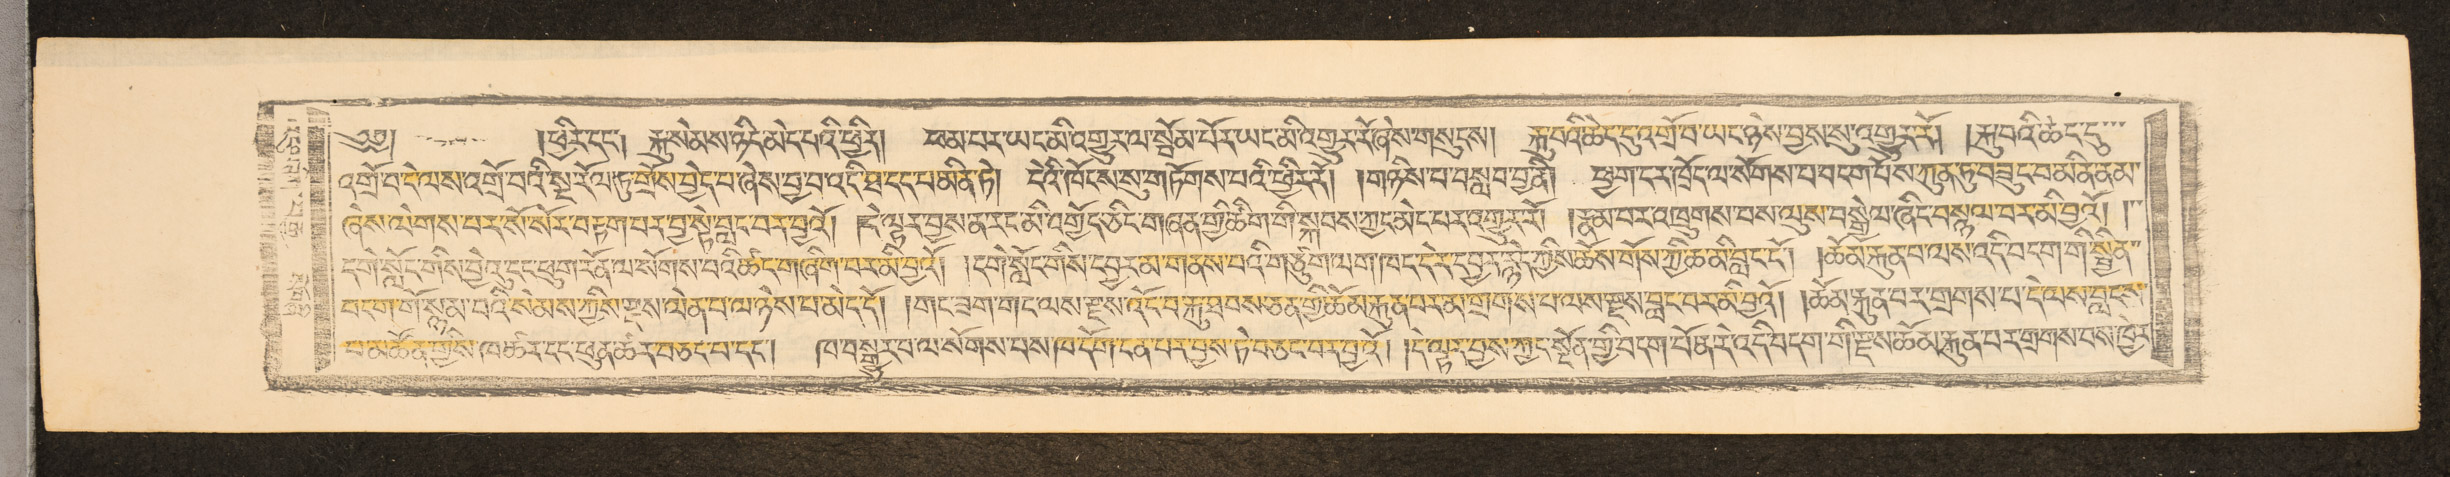༄༅། །ཕྱིར་དང་། རྐུ་སེམས་ཉིད་མེད་པའི་ཕྱིར། ཕམ་པར་ཡང་མི་འགྱུར་ལ་སྦོམ་པོར་ཡང་མི་འགྱུར་རོ་ཞེས་གསུངས། རྐུ་བའི་ཆེད་དུ་འགྲོ་བ་ཡང་ཉེས་བྱས་སུ་འགྱུར་རོ། །རྐུ་བའི་ཆེད་དུ་
འགྲོ་བ་དེ་ལས་འགྲོ་བའི་སྔ་རོལ་ཏུ་གྲོས་བྱེད་པ་ཞེས་བྱ་བ་འདི་ཐ་དད་པ་མིན་ཏེ། དེའི་ཁོངས་སུ་གཏོགས་པའི་ཕྱིར་རོ། །གཉིས་པ་བསླབ་བྱ་ནི། ཕྱག་ངར་ཁྲོད་ལ་སོགས་པ་བདག་པོས་ཀུན་ཏུ་བཟུང་བ་མིན་ནམ་
ཞེས་ལེགས་པར་སོ་སོར་བརྟག་པར་བྱ་སྟེ་བླང་བར་བྱའོ། །དེ་ལྟར་བྱས་ན་རང་མི་འགྱོད་ཅིང་གཞན་གྱི་ཚིག་གི་སྐབས་ཀྱང་མེད་པར་འགྱུར་རོ། །རྣམ་པར་འཁྲུགས་པས་ལུས་བསྒྱེལ་ཞིང་བསྙལ་བར་མི་བྱའོ། །
དགེ་སློང་གིས་བྱེའུ་དང་ཕུག་རོན་ལ་སོགས་པའི་ཚང་གཞིག་པར་མི་བྱའོ། །དགེ་སློང་གིས་དབྱར་མ་གནས་པའི་གཙུག་ལག་ཁང་དེར་དབྱར་རྙེད་ཀྱིས་ཆོས་གོས་ཀྱི་ཆ་མི་བླང་ངོ། །ཆོམ་རྐུན་པ་ལས་འདི་བདག་གི་སྦྱིན་
བདག་གོ་སྙམ་པའི་སེམས་ཀྱིས་རྫས་ལེན་པ་ལ་ཉེས་པ་མེད་དོ། །གང་ཟག་གང་ལས་རྫས་འོང་བ་རྐུ་ཐབས་ཅན་གྱི་ཆོམ་རྐུན་པར་མ་གྲགས་པ་ལས་རྫས་བླང་བར་མི་བྱའོ། །ཆོམ་རྐུན་པར་གྲགས་པ་དེ་ལས་བླངས་
པ་མཚོན་གྱིས་ཁ་ཚར་དང་ཕུན་ཚར་བཅད་པ་དང་། ཁ་བསྒྱུར་བ་ལ་སོགས་པས་ཁ་དོག་ངན་པར་བྱས་ཏེ་བཅང་བར་བྱའོ། །དེ་ལྟར་བྱས་ཀྱང་སྔོན་གྱི་བདག་པོ་ན་རེ་འདི་བདག་གི་རྫས་ཆོམ་རྐུན་པར་གྲགས་བས་ཁྱེར་